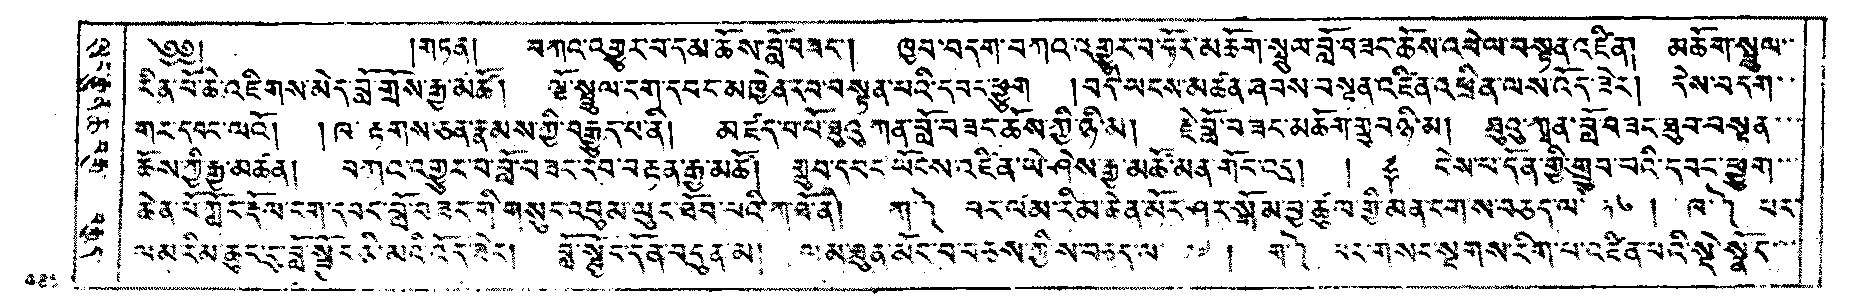༄༅། །གཏན། བཀའ་འགྱུར་བ་དམ་ཆོས་བློ་བཟང་། ཁྱབ་བདག་བཀའ་འགྱུར་བ་ཧོར་མཆོག་སྤྲུལ་བློ་བཟང་ཆོས་འཕེལ་བསྟན་འཛིན། མཆོག་སྤྲུལ་
རིན་པོ་ཆེ་འཇིགས་མེད་བློ་གྲོས་རྒྱ་མཚོ། ལྷོ་སྤྲུལ་ངག་དབང་མཁྱེན་རབ་བསྟན་པའི་དབང་ཕྱུག །བདེ་ཡངས་མཚན་ཞབས་བསྟན་འཛིན་འཕྲིན་ལས་འོད་ཟེར། དེས་བདག་
གར་དབང་ལའོ། །ཁ་རྟགས་ཅན་རྣམས་ཀྱི་བརྒྱུད་པ་ནི། མཛད་པ་པོ་ཐུའུ་ཀན་བློ་བཟང་ཆོས་ཀྱི་ཉི་མ། རྗེ་བློ་བཟང་མཆོག་གྲུབ་ཉི་མ། ཐུའུ་ཀྭན་བློ་བཟང་ཐུབ་བསྟན་
ཆོས་ཀྱི་རྒྱ་མཚན། བཀའ་འགྱུར་བ་བློ་བཟང་རབ་བརྟན་རྒྱ་མཚོ། གྲུབ་དབང་ཡོངས་འཛིན་ཡེ་ཤེས་རྒྱ་མཚོ་མན་གོང་འདྲ། ། ༈ ངེས་པ་དོན་གྱི་གྲུབ་པའི་དབང་ཕྱུག་
ཆེན་པོ་ཀློང་རྡོལ་ངག་དབང་བློ་བཟང་གི་གསུང་འབུམ་ལུང་ཐོབ་པའི་ཀ་ཐོ་ནི། ཀ྄་པར་ལམ་རིམ་ཆེན་མོར་ཤར་སྒོམ་བྱ་ཚུལ་གྱི་མན་ངག་ས་བཅད་ལ ༢༦། ཁ྄་པར་
ལམ་རིམ་ཆུང་དུ་བློ་སྦྱོང་ཉི་མའི་འོད་ཟེར། བློ་སྦྱོང་དོན་བདུན་མ། ལམ་ཐུན་མོང་བ་བཅས་ཀྱི་ས་བཅད་ལ ༡༧། ག྄་པར་གསང་སྔགས་རིག་པ་འཛིན་པའི་སྡེ་སྣོད་